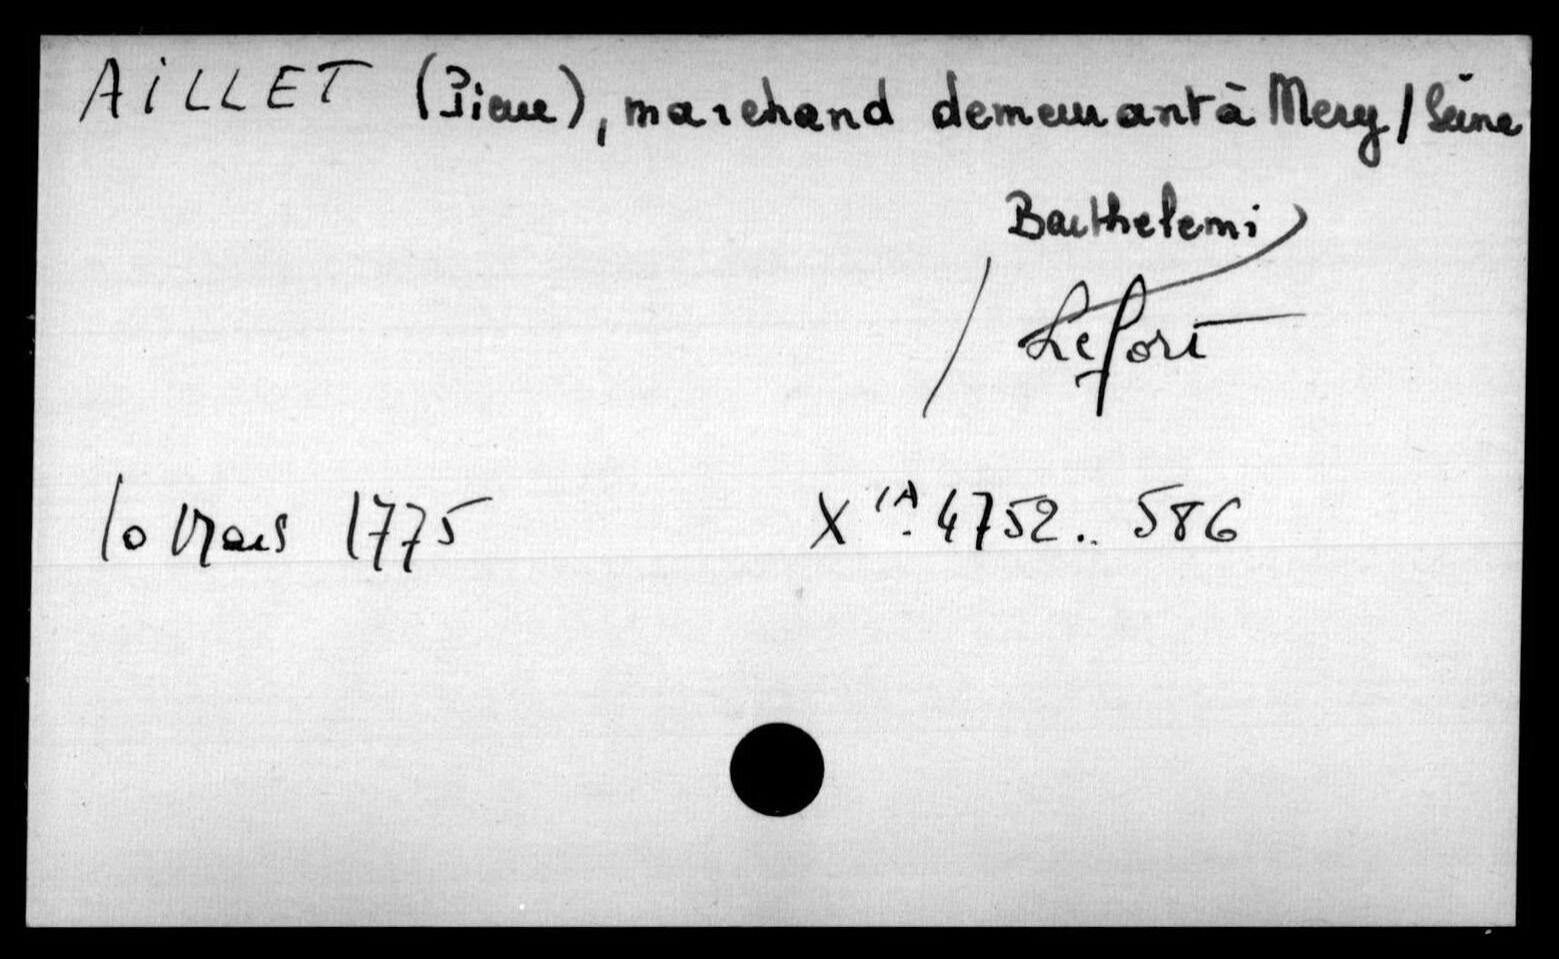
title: AILLET (Pierre), marchand demeurant à Mery sur Seine
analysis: Contre Barthélemi Lefort
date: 10 mars 1775
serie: X1A
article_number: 4752
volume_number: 586
